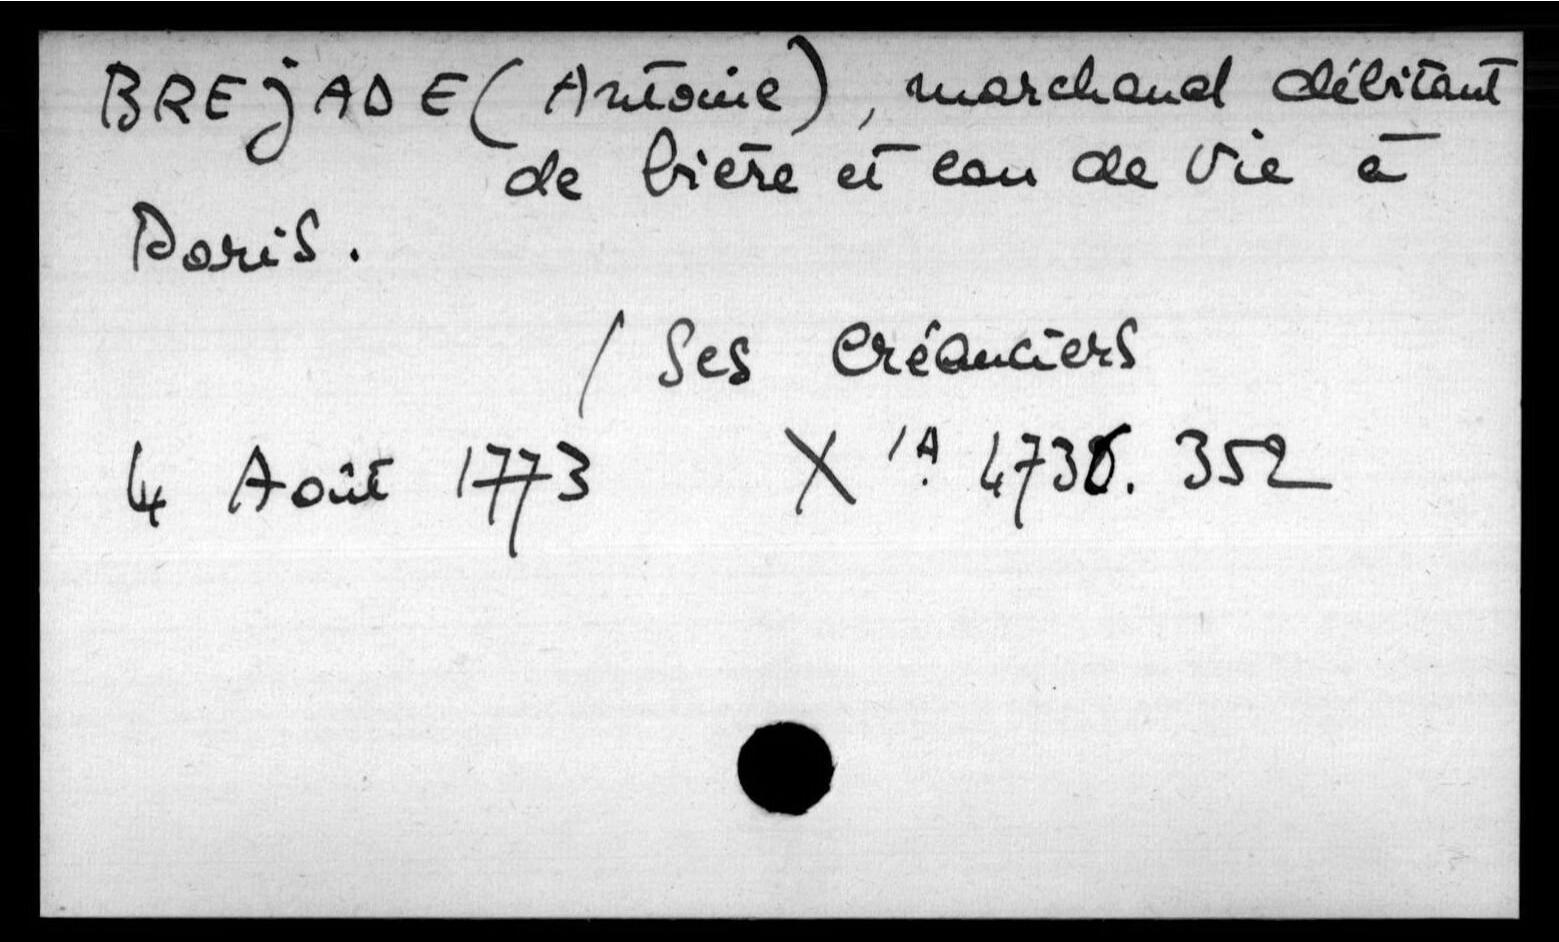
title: BREJADE (Antoine), marchand débitant de bière et eau de Vie à Paris
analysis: Contre Ses Créanciers
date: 4 août 1773
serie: X1A
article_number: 4730
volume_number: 352
